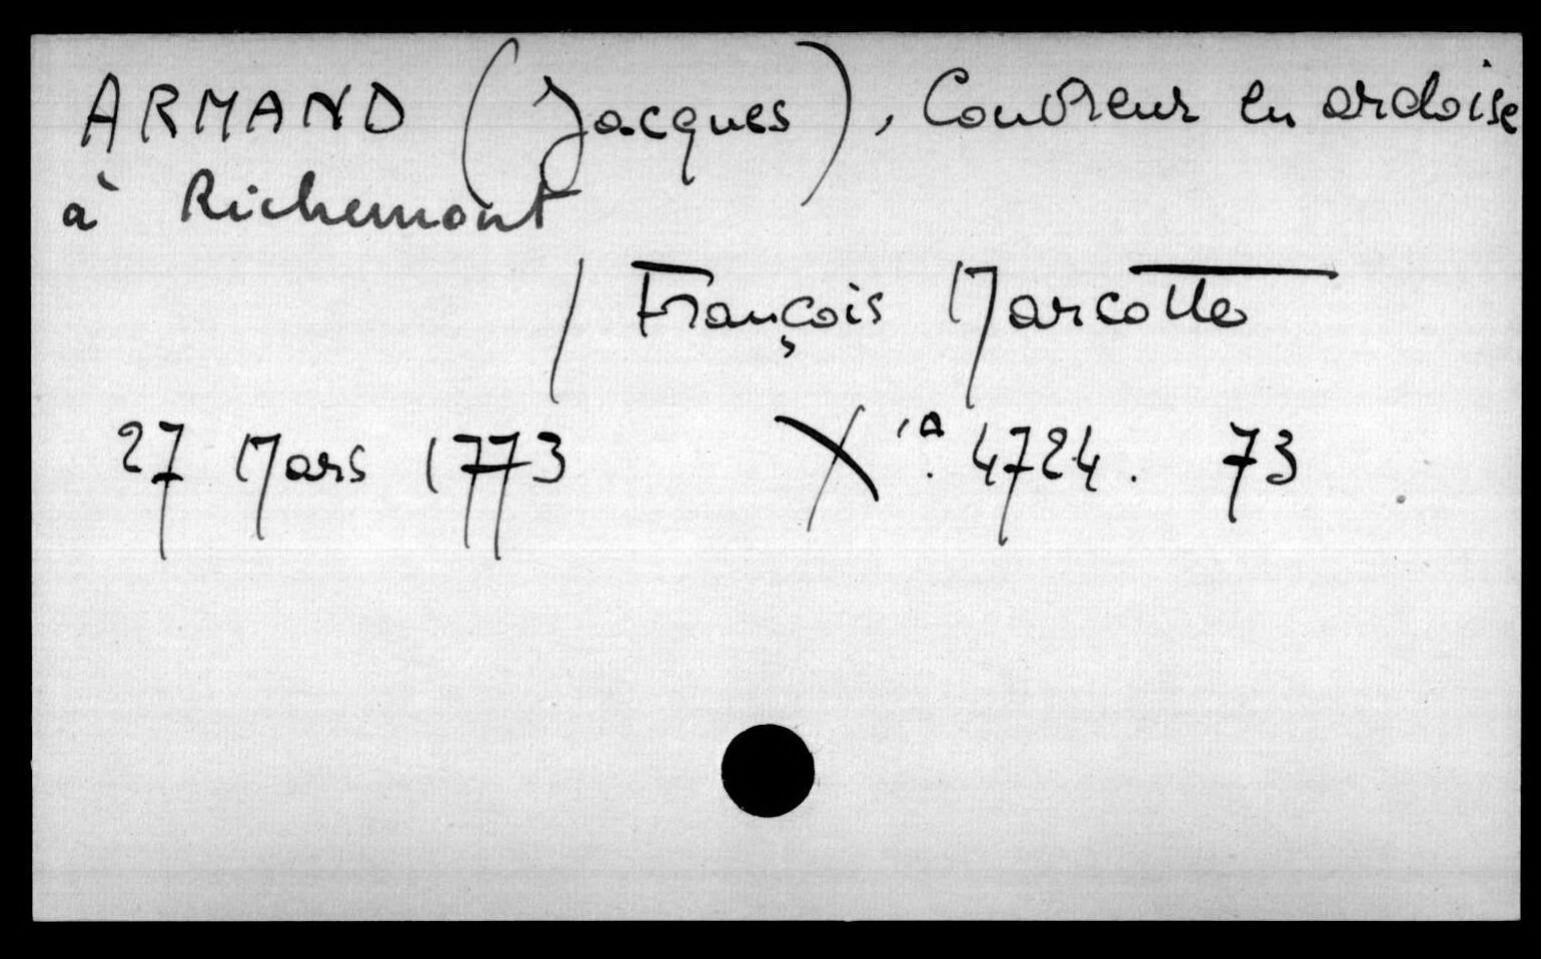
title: ARMAND (Jacques), Couvreur en ardoise à Richemont
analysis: Contre François Marcotte
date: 27 mars 1773
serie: X1a
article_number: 4724
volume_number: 73
